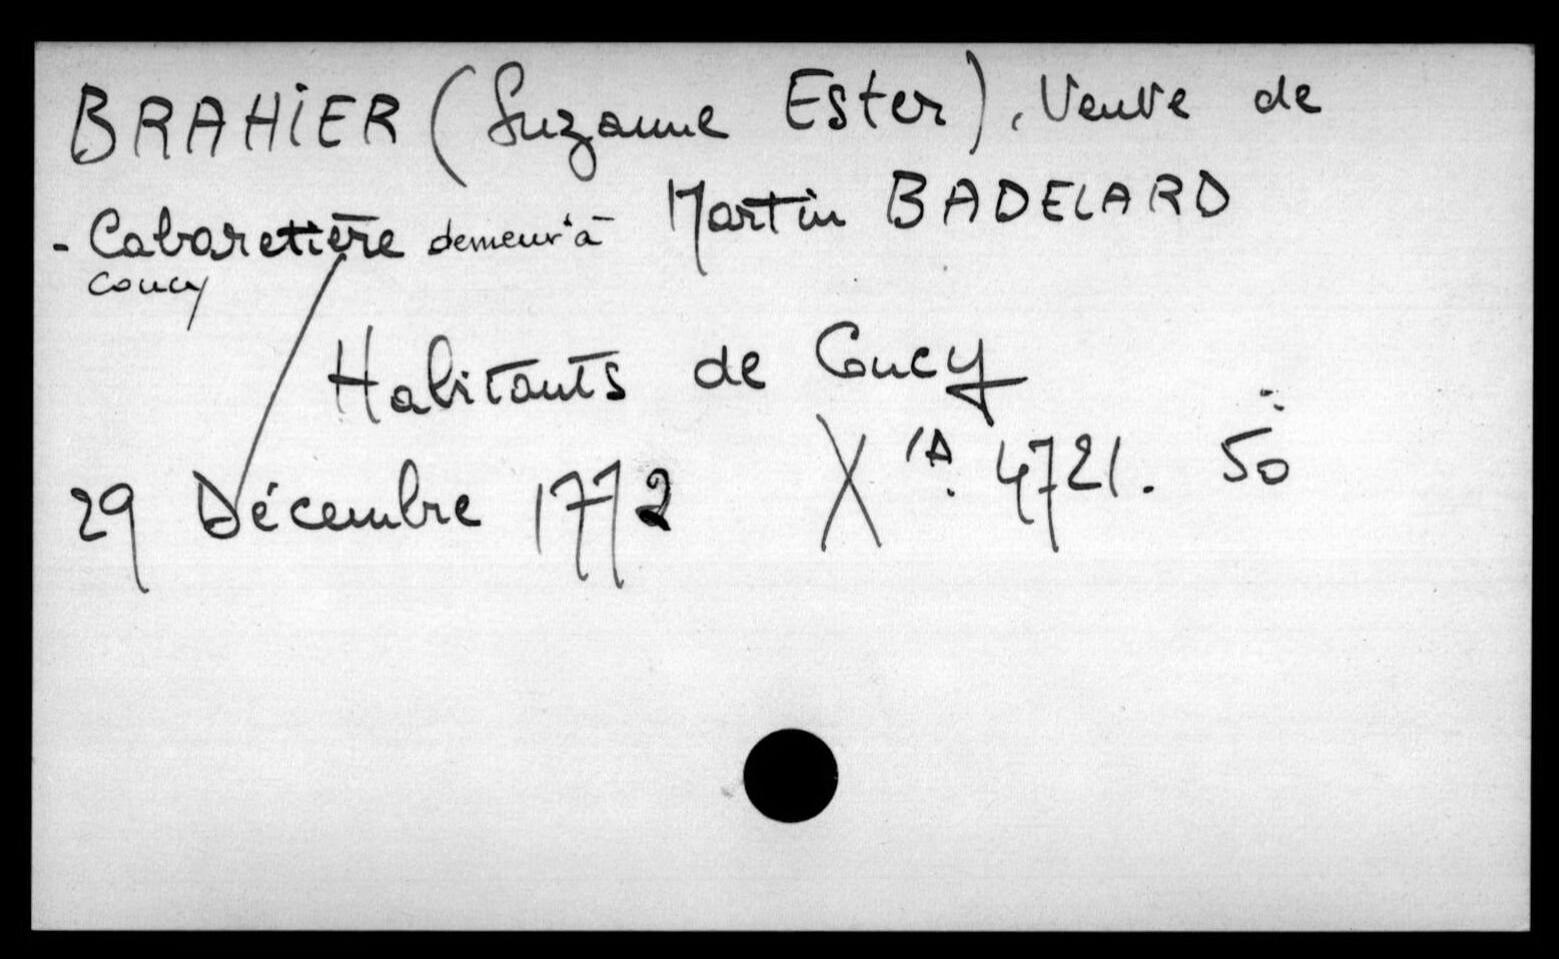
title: BRAHIER (Suzanne Ester), Veuve de Martin BADELARD. Cabaretière demeurant à Coucy
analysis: Contre Habitants de Coucy
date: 29 décembre 1772
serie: X1A
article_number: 4721
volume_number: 50
